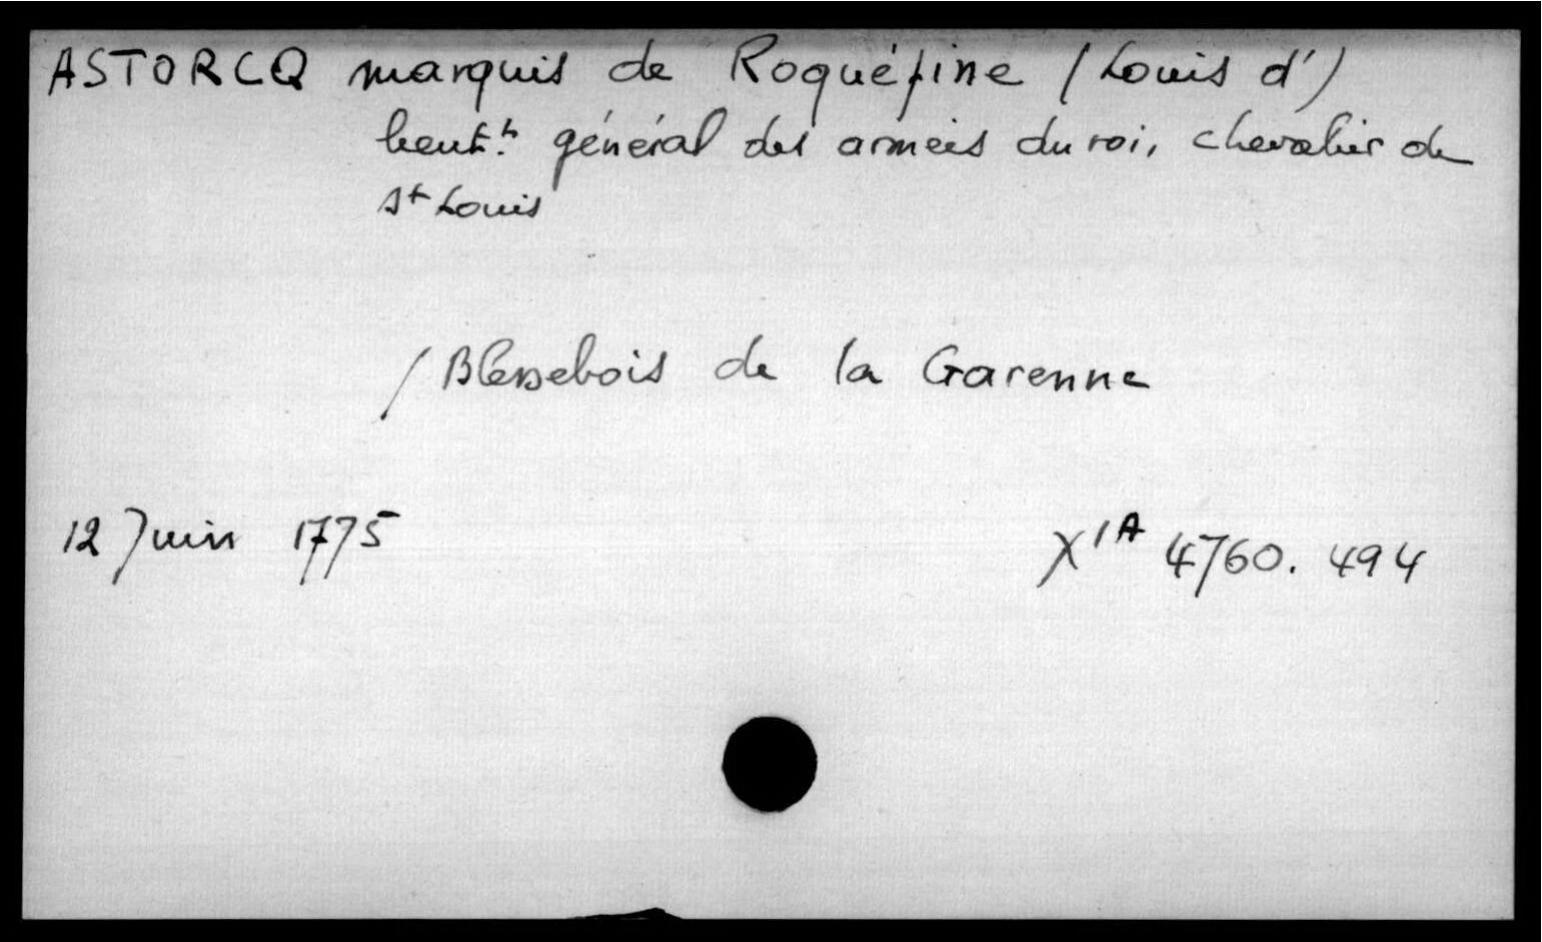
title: ASTORCQ marquis de Roquéfine (Louis d') lieutenant général des armées du roi, chevalier de Saint-Louis
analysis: Contre Blessebois de la Garenne
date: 12 juin 1775
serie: X1A
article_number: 4760
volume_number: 494
